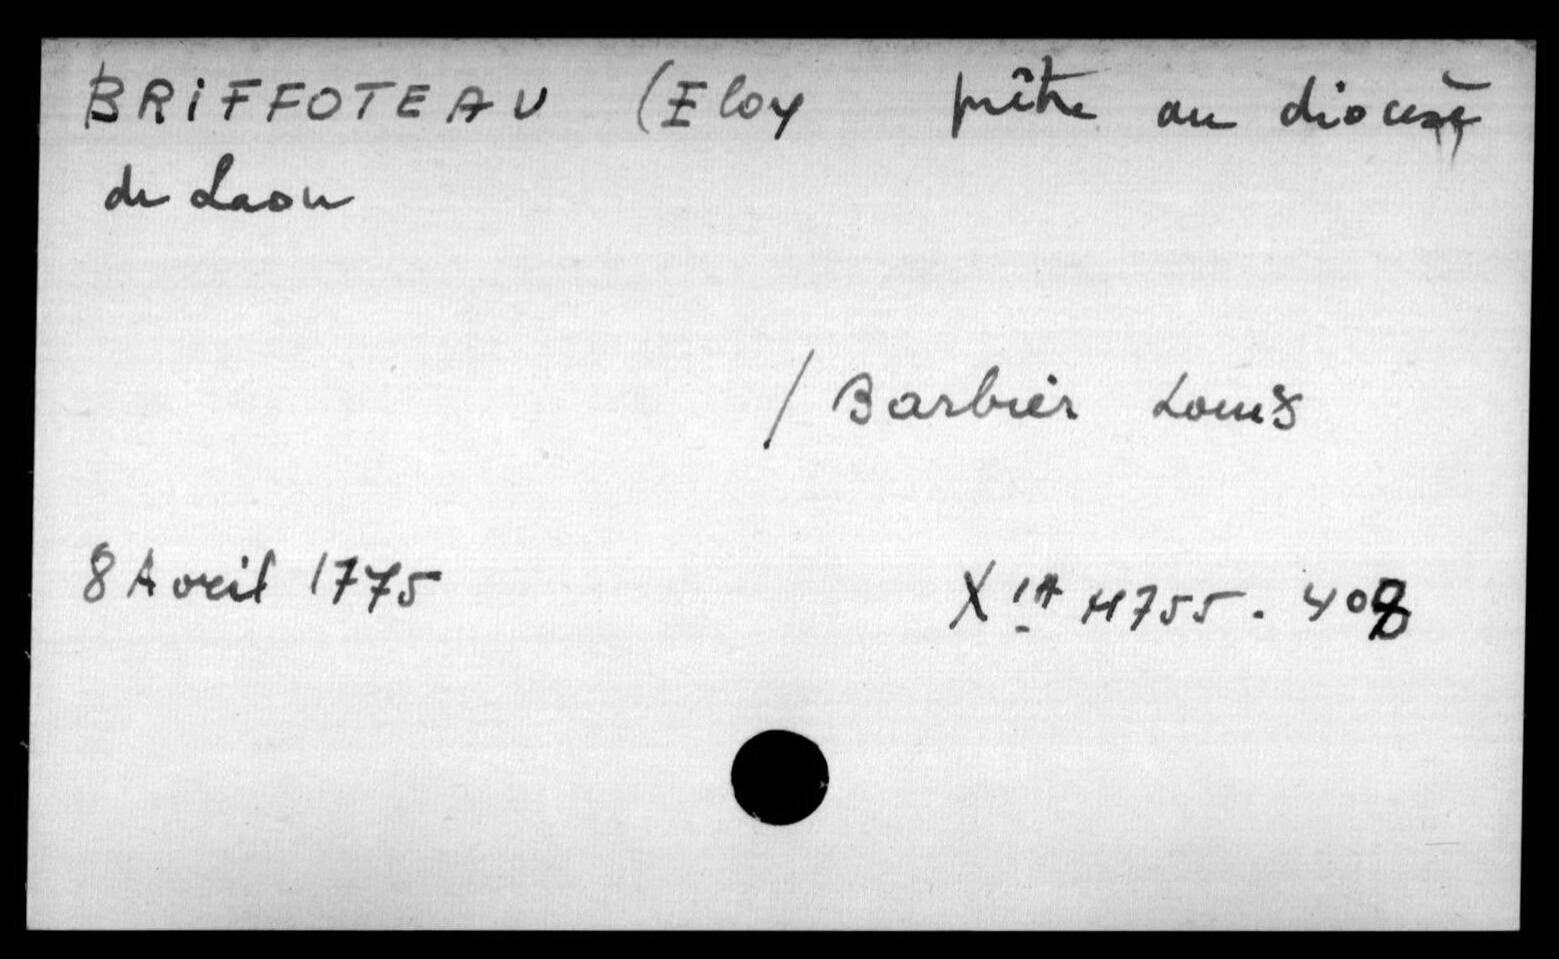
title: BRIFFOTEAU (Eloy prêtre au diocèse de Laon
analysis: Contre Barbier Louis
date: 8 avril 1775
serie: X1A
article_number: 4755
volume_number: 408
